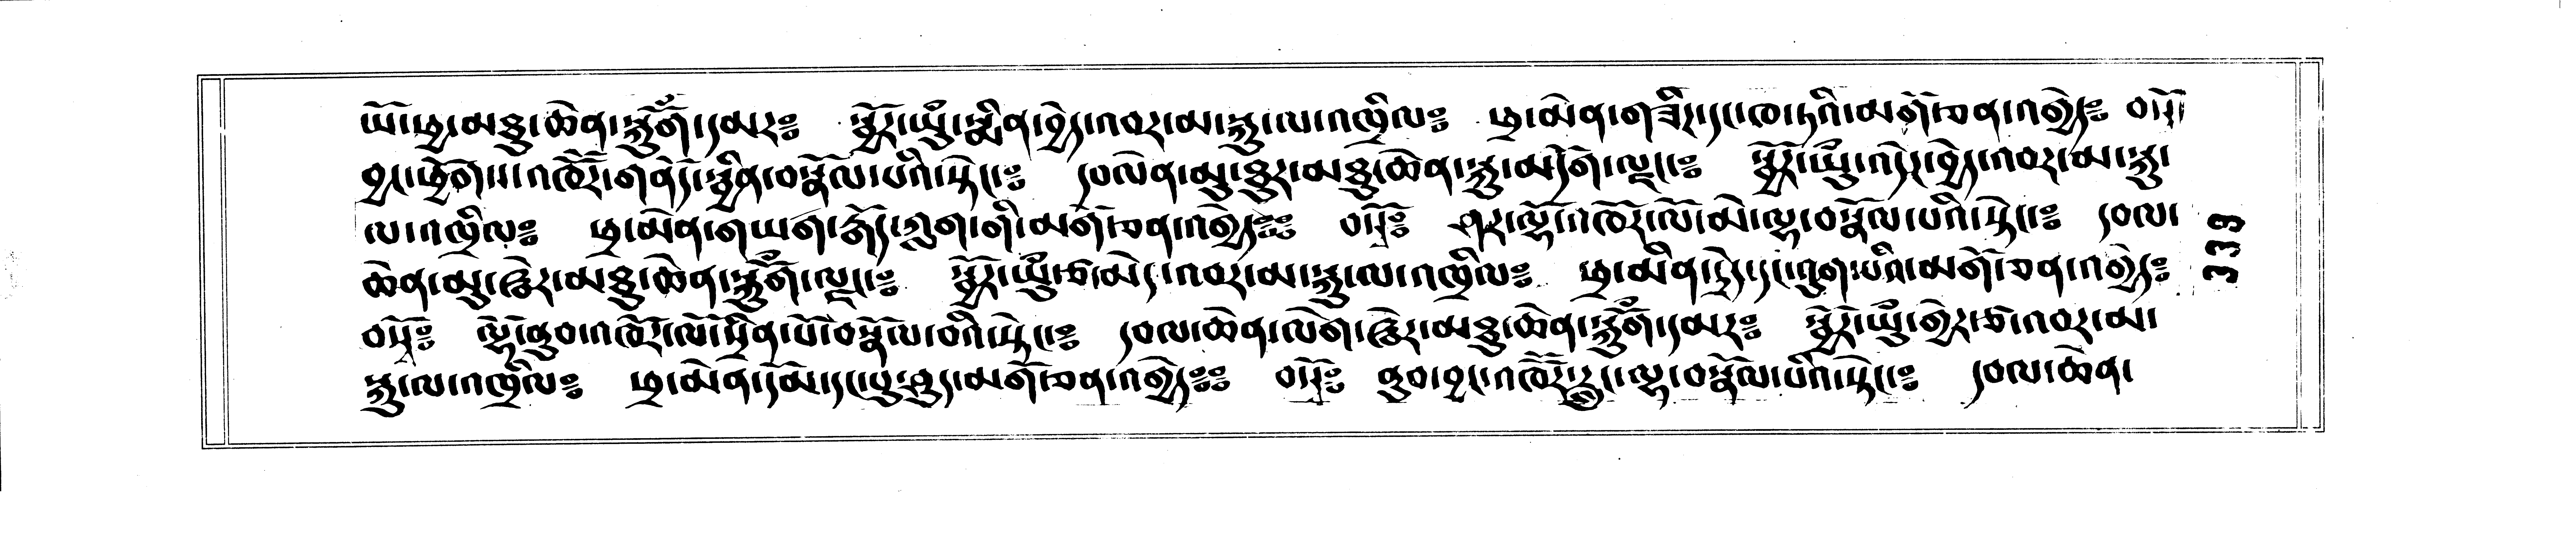ཡོ་ཕྱྭ་མཐུ་ཆེན་སྐུ་མདོག་དཀར༔ སྦྱོར་ཡུམ་སྨིན་བྱེད་འབར་མ་སྐུ་ལ་འཁྲིལ༔ ཕྲ་མེན་གཟིགས་དང་ཁྭ་ཏའི་མགོ་ཅན་འགྱེད༔ བསྭོ༔
 བྱང་ཕྱོགས་འཁོར་ལོ་གནོད་སྦྱིན་བསྣོལ་བའི་སྟེང་༔ དབལ་ཆེན་མུ་ཐུར་མཐུ་ཆེན་སྐུ་མདོག་ལྗང་༔ སྦྱོར་ཡུམ་འདོགས་བྱེད་འབར་མ་སྐུ་
ལ་འཁྲིལ༔ ཕྲ་མེན་གཡག་རྒོད་ཀླག་གི་མགོ་ཅན་འགྱེད༔༔ བསྭོ༔ ཤར་ལྷོ་འཁོར་ལོ་མེ་ལྷ་བསྣོལ་བའི་སྟེང་༔ དབལ་
ཆེན་མུ་ཝེར་མཐུ་ཆེན་སྐུ་མདོག་ལྗང་༔ སྦྱོར་ཡུམ་ཙ་མེད་འབར་མ་སྐུ་ལ་འཁྲིལ༔ ཕྲ་མེན་དྲེད་དང་འུག་པའི་མགོ་ཅན་འགྱེད༔
བསྭོ༔ ལྷོ་ནུབ་འཁོར་ལོ་སྲིན་པོ་བསྣོལ་བའི་སྟེང་༔ དབལ་ཆེན་ལེག་ཝེར་མཐུ་ཆེན་སྐུ་མདོག་དམར༔ སྦྱོར་ཡུམ་གྱེར་ཙ་འབར་མ་
སྐུ་ལ་འཁྲིལ༔ ཕྲ་མེན་དོམ་དང་པུ་ཤུད་མགོ་ཅན་འགྱེད༔༔ བསྭོ༔ ནུབ་བྱང་འཁོར་ལོ་རླུང་ལྷ་བསྣོལ་བའི་སྟེང་༔ དབལ་ཆེན་